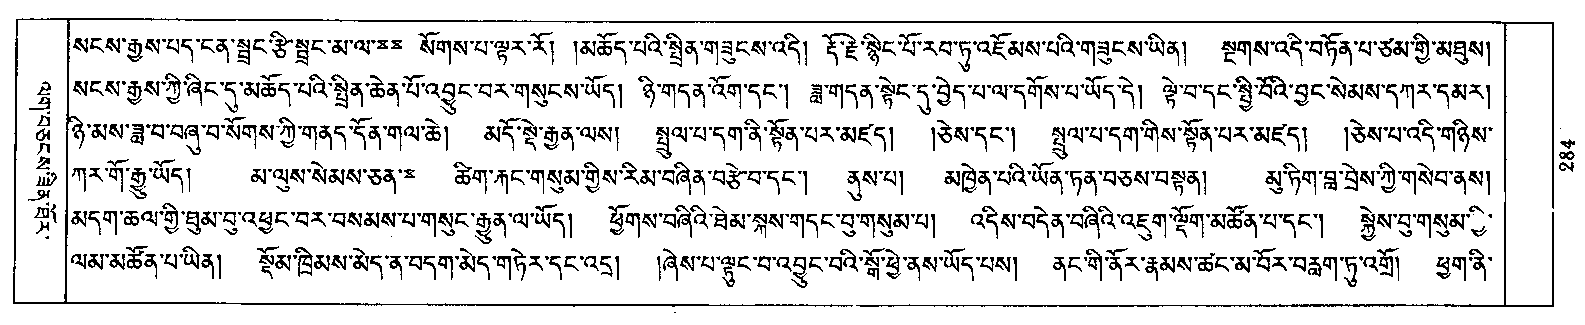སངས་རྒྱས་པད་ངན་སྦྲང་རྩི་སྦྲང་མ་ལ་྾྾་སོགས་པ་ལྟར་རོ། །མཆོད་པའི་སྤྲིན་གཟུངས་འདི། རྡོ་རྗེ་སྙིང་པོ་རབ་ཏུ་འཇོམས་པའི་གཟུངས་ཡིན། སྔགས་འདི་བཏོན་པ་ཙམ་གྱི་མཐུས།
སངས་རྒྱས་ཀྱི་ཞིང་དུ་མཆོད་པའི་སྤྲིན་ཆེན་པོ་འབྱུང་བར་གསུངས་ཡོད། ཉི་གདན་འོག་དང་། ཟླ་གདན་སྟེང་དུ་བྱེད་པ་ལ་དགོས་པ་ཡོད་དེ། ལྟེ་བ་དང་སྤྱི་བོའི་བྱང་སེམས་དཀར་དམར།
ཉི་མས་ཟླ་བ་བཞུ་བ་སོགས་ཀྱི་གནད་དོན་གལ་ཆེ། མདོ་སྡེ་རྒྱན་ལས། སྤྲུལ་པ་དག་ནི་སྟོན་པར་མཛད། །ཅེས་དང་། སྤྲུལ་པ་དག་གིས་སྟོན་པར་མཛད། །ཅེས་པ་འདི་གཉིས་
ཀར་གོ་རྒྱུ་ཡོད། མ་ལུས་སེམས་ཅན་྾་ཚིག་རྐང་གསུམ་གྱིས་རིམ་བཞིན་བརྩེ་བ་དང་། ནུས་པ། མཁྱེན་པའི་ཡོན་ཏན་བཅས་བསྟན། མུ་ཏིག་བླ་བྲེས་ཀྱི་གསེབ་ནས།
མདག་ཆལ་གྱི་ཐུམ་བུ་འཕྱང་བར་བསམས་པ་གསུང་རྒྱུན་ལ་ཡོད། ཕྱོགས་བཞིའི་ཐེམ་སྐས་དང་བུ་གསུམ་པ། འདིས་བདེན་བཞིའི་འཇུག་ལྡོག་མཚོན་པ་དང་། སྐྱེས་བུ་གསུམ་གྱི་
ལམ་མཚོན་པ་ཡིན། སྡོམ་ཁྲིམས་མེད་ན་བདག་མེད་གཏེར་དང་འདྲ། །ཞེས་པ་ལྟུང་བ་འབྱུང་བའི་སྒོ་ཕྱེ་ནས་ཡོད་པས། ནང་གི་ནོར་རྣམས་ཚང་མ་བོར་བརླག་ཏུ་འགྲོ། ཕྱག་ནི་